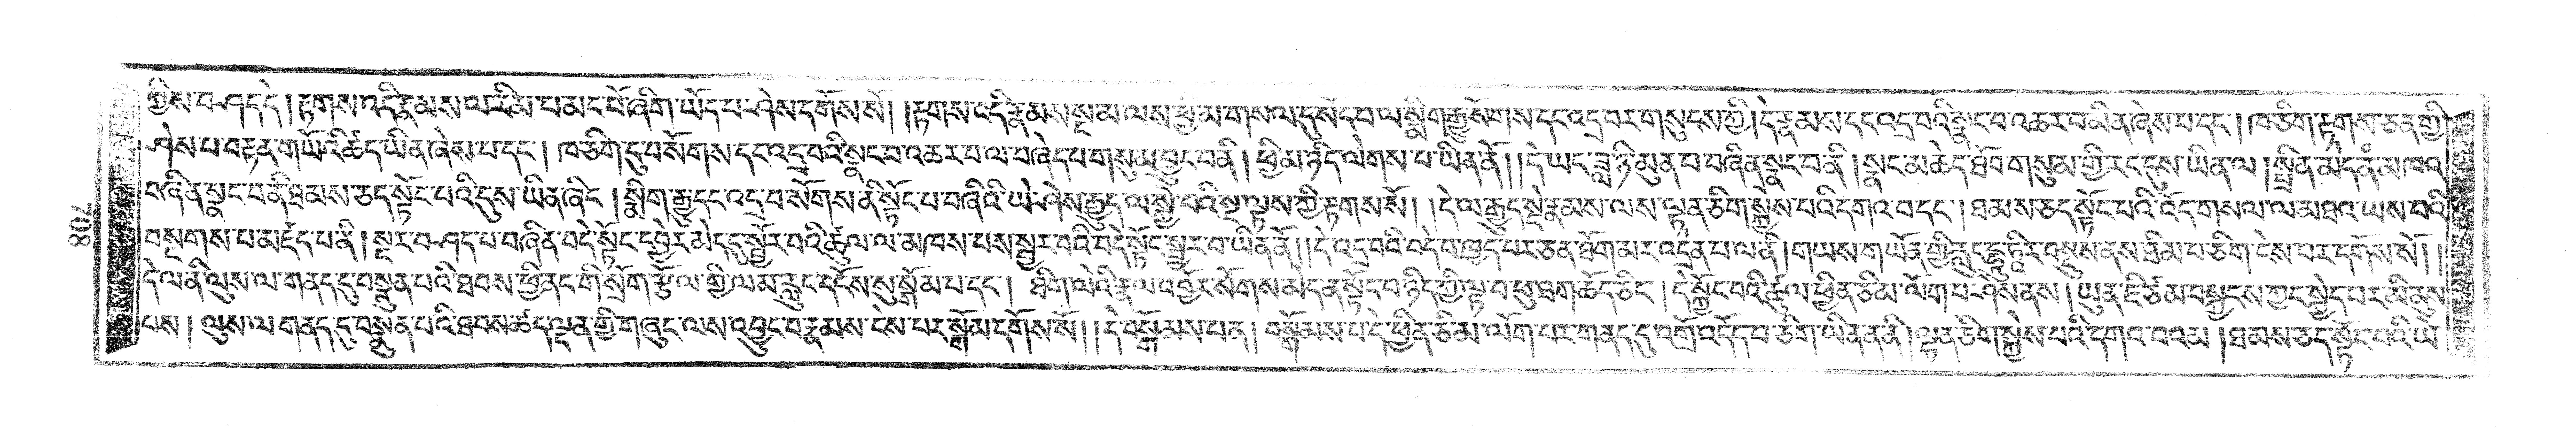ཀྱིས་བཤད་དེ། རྟགས་འདི་རྣམས་ལ་རིམ་པ་མང་པོ་ཞིག་ཡོད་པ་ཤེས་དགོས་སོ། །རྟགས་འདི་རྣམས་སྔ་མ་ལས་ཕྱི་མ་གསལ་དུ་སོང་བ་ལ་སྨིག་རྒྱུ་སོགས་དང་འདྲ་བར་གསུངས་ཀྱི། དེ་རྣམས་དང་འདྲ་བའི་སྣང་བ་འཆར་བ་མིན་ཞེས་པ་དང་། ཁ་ཅིག་རྟགས་ཅན་གྱི་
ཤེས་པ་བརྟན་གཡོའི་ཚད་ཡིན་ཞེས་པ་དང་། ཁ་ཅིག་དུ་བ་སོགས་དང་འདྲ་བའི་སྣང་བ་འཆར་བ་ལ་བཞེད་པ་གསུམ་བྱུང་བ་ནི། ཕྱི་མ་ཉིད་ལེགས་པ་ཡིན་ནོ། །དེ་ཡང་ཟླ་ཉི་མུན་པ་བཞིན་སྣང་བ་ནི། སྣང་མཆེད་ཐོབ་གསུམ་གྱི་རང་དུས་ཡིན་ལ། སྤྲིན་མེད་ནཾ་མཁའ་
བཞིན་སྣང་བ་ནི་ཐམས་ཅད་སྟོང་པའི་དུས་ཡིན་ཞིང་། སྨིག་རྒྱུ་དང་འདྲ་བ་སོགས་ནི་སྟོང་པ་བཞིའི་ཡེ་ཤེས་རྒྱུད་ལ་སྐྱེ་བའི་སྔ་ལྟས་ཀྱི་རྟགས་སོ། །དེ་ལ་རྒྱུད་སྡེ་རྣམས་ལས་ལྟན་ཅིག་སྐྱེས་པའི་དགའ་བ་དང་། ཐམས་ཅད་སྟོང་པའི་འོད་གསལ་ལ་མཐའ་ཡས་པའི་
བསྔགས་པ་མཛད་པ་ནི། སྔར་བཤད་པ་བཞིན་བདེ་སྟོང་དབྱེར་མེད་དུ་སྦྱོར་བའི་ཚུལ་ལ་མཁས་པས་སྦྱར་བའི་བདེ་སྟོང་སྦྱར་བ་ཡིན་ནོ། །དེ་འདྲ་བའི་བདེ་བ་ཁྱད་པར་ཅན་ཐོག་མར་འདྲེན་པ་ལ་ནི། གཡས་གཡོན་གྱི་རླུང་དྷཱུ་ཏཱིར་བསྡུས་ནས་ཐིམ་པ་ཅིག་ངེས་པར་དགོས་སོ། །
དེ་ལ་ནི་ལུས་ལ་གནད་དུ་བསྣུན་པའི་ཐབས་ཕྱི་ནང་གི་སྲོག་རྩོལ་གྱི་ལམ་རླུང་དངོས་སུ་སྒོམ་པ་དང་། ཐིག་ལེའི་རྣལ་འབྱོར་སོགས་མེད་ན་སྟོང་པ་ཉིད་ཀྱི་ལྟ་བ་ཕུ་ཐག་ཆེད་ཅིང་། དེ་སྐྱོང་བའི་ཚུལ་ཕྱིན་ཅི་མ་ལོག་པ་ཤེས་ནས། ཡུན་ཇི་ཙམ་བསྐྱངས་ཀྱང་སྐྱེད་པར་མི་ནུས་
པས། ལུས་ལ་གནད་དུ་བསྣུན་པའི་ཐབས་ཚད་ལྡན་གྱི་གཞུང་ལས་འབྱུང་བ་རྣམས་ངེས་པར་སྒོམ་དགོས་སོ། །དེ་བསྒོམས་པ་ན། བསྒོམས་པ་དེ་ཕྱིན་ཅི་མ་ལོག་པར་གནད་དུ་འགྲོ་འདོད་པ་ཅིག་ཡིན་ན་ནི། ལྷན་ཅིག་སྐྱེས་པའི་དགའ་བའམ། ཐམས་ཅད་སྟོང་པའི་ཡེ་